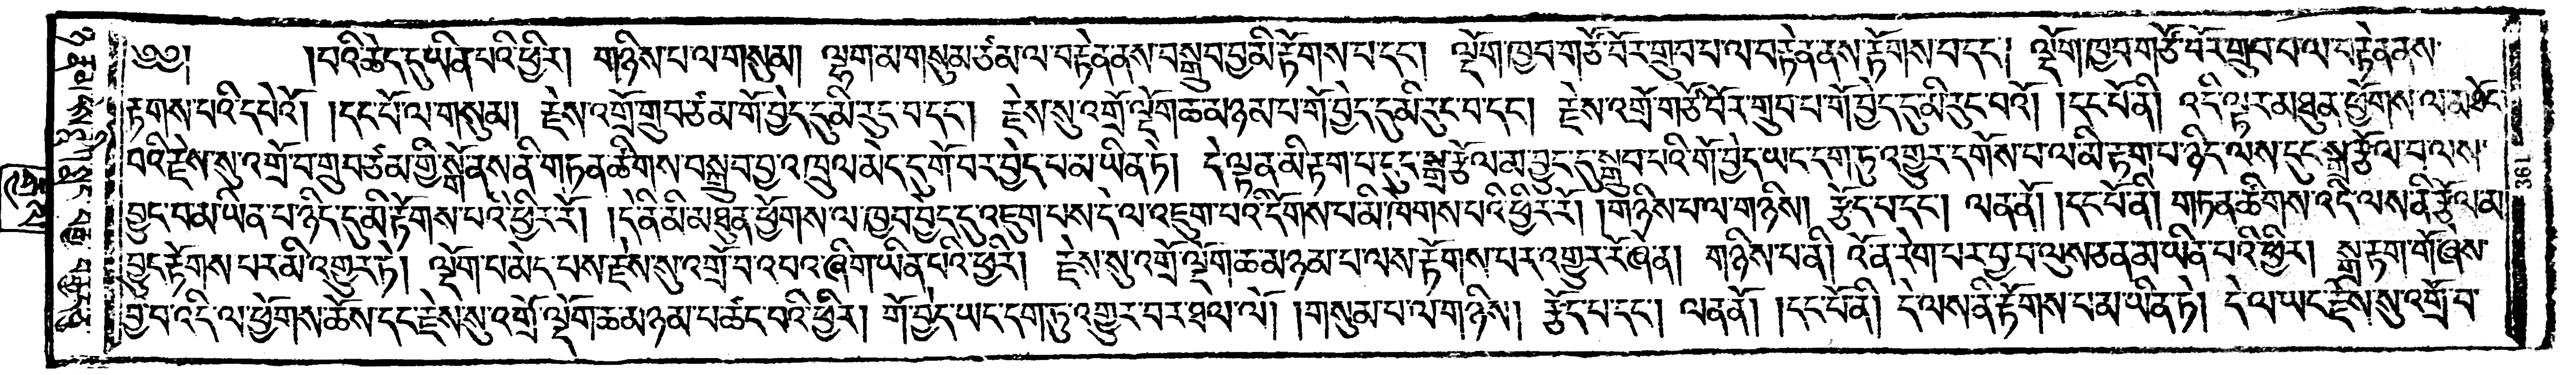༄༅། །པའི་ཆེད་དུ་ཡིན་པའི་ཕྱིར། གཉིས་པ་ལ་གསུམ། ལྷག་མ་གསུམ་ཙམ་ལ་བརྟེན་ནས་བསྒྲུབ་བྱ་མི་རྟོགས་པ་དང་། ལྡོག་ཁྱབ་གཙོ་བོར་གྲུབ་པ་ལ་བརྟེན་ནས་རྟོགས་པ་དང་། ལྡོག་ཁྱབ་གཙོ་བོར་གྲུབ་པ་ལ་བརྟེན་ནས་
རྟགས་པའི་དཔེའོ། །དང་པོ་ལ་གསུམ། རྗེས་འགྲོ་གྲུབ་ཙམ་གོ་བྱེད་དུ་མི་རུང་བ་དང་། རྗེས་སུ་འགྲོ་ལྡོག་ཆ་མཉམ་པ་གོ་བྱེད་དུ་མི་རུང་བ་དང་། རྗེས་འགྲོ་གཙོ་བོར་གྲུབ་པ་གོ་བྱེད་དུ་མི་རུང་བའོ། །དང་པོ་ནི། འདི་ལྟར་མཐུན་ཕྱོགས་ལ་མཐོང་
བའི་རྗེས་སུ་འགྲོ་བ་གྲུབ་ཙམ་གྱི་སྒོ་ནས་ནི་གཏན་ཚིགས་བསྒྲུབ་བྱ་འཁྲུལ་མེད་དུ་གོ་བར་བྱེད་པ་མ་ཡིན་ཏེ། དེ་ལྟ་ན་མི་རྟག་པ་དུང་སྒྲ་རྩོལ་མ་བྱུང་དུ་སྒྲུབ་པའི་གོ་བྱེད་ཡང་དག་ཏུ་འགྱུར་དགོས་པ་ལ་མི་རྟག་པ་ཉིད་ལས་དུང་སྒྲ་རྩོལ་བ་ལས་
བྱུང་བ་མ་ཡིན་པ་ཉིད་དུ་མི་རྟོགས་པའི་ཕྱིར་རོ། །དེ་ནི་མི་མཐུན་ཕྱོགས་ལ་ཁྱབ་བྱེད་དུ་འཇུག་པས་དེ་ལ་འཇུག་པའི་དོགས་པ་མི་ཁེགས་པའི་ཕྱིར་རོ། །གཉིས་པ་ལ་གཉིས། རྩོད་པ་དང་། ལན་ནོ། །དང་པོ་ནི། གཏན་ཚིགས་འདི་ལས་ནི་རྩོལ་མ་
བྱུང་རྟོགས་པར་མི་འགྱུར་ཏེ། ལྡོག་པ་མེད་པས་རྗེས་སུ་འགྲོ་བ་འབའ་ཞིག་ཡིན་པའི་ཕྱིར། རྗེས་སུ་འགྲོ་ལྡོག་ཆ་མཉམ་པ་ལས་རྟོགས་པར་འགྱུར་རོ་ཞེ་ན། གཉིས་པ་ནི། འོ་ན་རེག་པར་བྱ་བ་ལུས་ཅན་མ་ཡིན་པའི་ཕྱིར། སྒྲ་རྟག་གོ་ཞེས་
བྱ་བ་འདི་ལ་ཕྱོགས་ཆོས་དང་རྗེས་སུ་འགྲོ་ལྡོག་ཆ་མཉམ་པ་ཚང་བའི་ཕྱིར། གོ་བྱེད་ཡང་དག་ཏུ་འགྱུར་བར་ཐལ་ལོ། །གསུམ་པ་ལ་གཉིས། རྩོད་པ་དང་། ལན་ནོ། །དང་པོ་ནི། དེ་ལས་ནི་རྟོགས་པ་མ་ཡིན་ཏེ། དེ་ལ་ཡང་རྗེས་སུ་འགྲོ་བ་